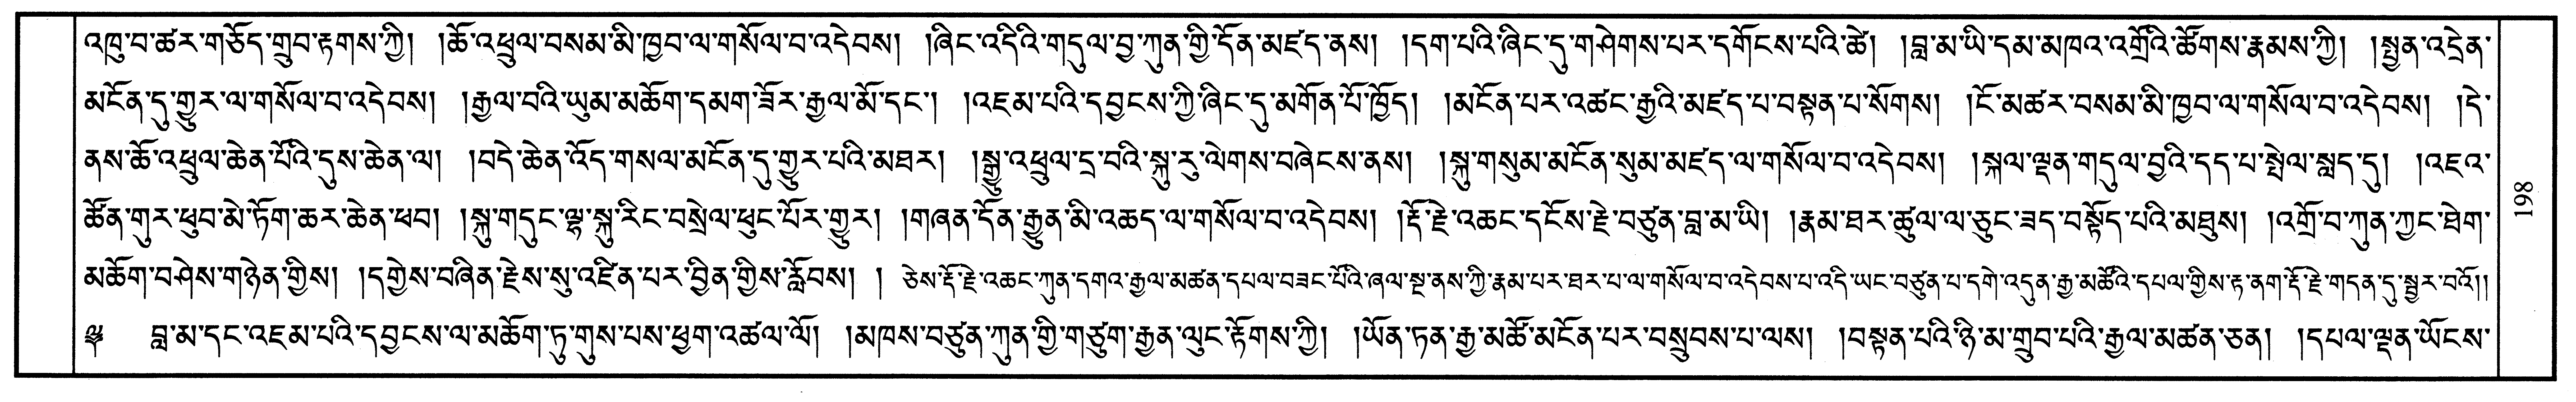འཁུ་བ་ཚར་གཅོད་གྲུབ་རྟགས་ཀྱི། །ཆོ་འཕྲུལ་བསམ་མི་ཁྱབ་ལ་གསོལ་བ་འདེབས། །ཞིང་འདིའི་གདུལ་བྱ་ཀུན་གྱི་དོན་མཛད་ནས། །དག་པའི་ཞིང་དུ་གཤེགས་པར་དགོངས་པའི་ཚེ། །བླ་མ་ཡི་དམ་མཁའ་འགྲོའི་ཚོགས་རྣམས་ཀྱི། །སྤྱན་འདྲེན་
མངོན་དུ་གྱུར་ལ་གསོལ་བ་འདེབས། །རྒྱལ་བའི་ཡུམ་མཆོག་དམག་ཟོར་རྒྱལ་མོ་དང་། །འཇམ་པའི་དབྱངས་ཀྱི་ཞིང་དུ་མགོན་པོ་ཁྱོད། མངོན་པར་འཚང་རྒྱའི་མཛད་པ་བསྟན་པ་སོགས། །ངོ་མཚར་བསམ་མི་ཁྱབ་ལ་གསོལ་བ་འདེབས། །དེ་
ནས་ཆོ་འཕྲུལ་ཆེན་པོའི་དུས་ཆེན་ལ། །བདེ་ཆེན་འོད་གསལ་མངོན་དུ་གྱུར་པའི་མཐར། །སྒྱུ་འཕྲུལ་དྲ་བའི་སྐུ་རུ་ལེགས་བཞེངས་ནས། །སྐུ་གསུམ་མངོན་སུམ་མཛད་ལ་གསོལ་བ་འདེབས། །སྐལ་ལྡན་གདུལ་བྱའི་དད་པ་སྤེལ་སླད་དུ། །འཇའ་
ཚོན་གུར་ཕུབ་མེ་ཏོག་ཆར་ཆེན་ཕབ། །སྐུ་གདུང་ལྷ་སྐུ་རིང་བསྲེལ་ཕུང་པོར་གྱུར། །གཞན་དོན་རྒྱུན་མི་འཆད་ལ་གསོལ་བ་འདེབས། །རྡོ་རྗེ་འཆང་དངོས་རྗེ་བཙུན་བླ་མ་ཡི། །རྣམ་ཐར་ཚུལ་ལ་ཅུང་ཟད་བསྟོད་པའི་མཐུས། །འགྲོ་བ་ཀུན་ཀྱང་ཐེག་
མཆོག་བཤེས་གཉེན་གྱིས། །དགྱེས་བཞིན་རྗེས་སུ་འཛིན་པར་བྱིན་གྱིས་རློབས། །ཅེས་རྡོ་རྗེ་འཆང་ཀུན་དགའ་རྒྱལ་མཚན་དཔལ་བཟང་པོའི་ཞལ་སྔ་ནས་ཀྱི་རྣམ་པར་ཐར་པ་ལ་གསོལ་བ་འདེབས་པ་འདི་ཡང་བཙུན་པ་དགེ་འདུན་རྒྱ་མཚོའི་དཔལ་གྱིས་རྟ་ནག་རྡོ་རྗེ་གདན་དུ་སྦྱར་བའོ།།
༈ བླ་མ་དང་འཇམ་པའི་དབྱངས་ལ་མཆོག་ཏུ་གུས་པས་ཕྱག་འཚལ་ལོ། །མཁས་བཙུན་ཀུན་གྱི་གཙུག་རྒྱན་ལུང་རྟོགས་ཀྱི། །ཡོན་ཏན་རྒྱ་མཚོ་མངོན་པར་བསྲུབས་པ་ལས། །བསྟན་པའི་ཉི་མ་གྲུབ་པའི་རྒྱལ་མཚན་ཅན། །དཔལ་ལྡན་ཡོངས་